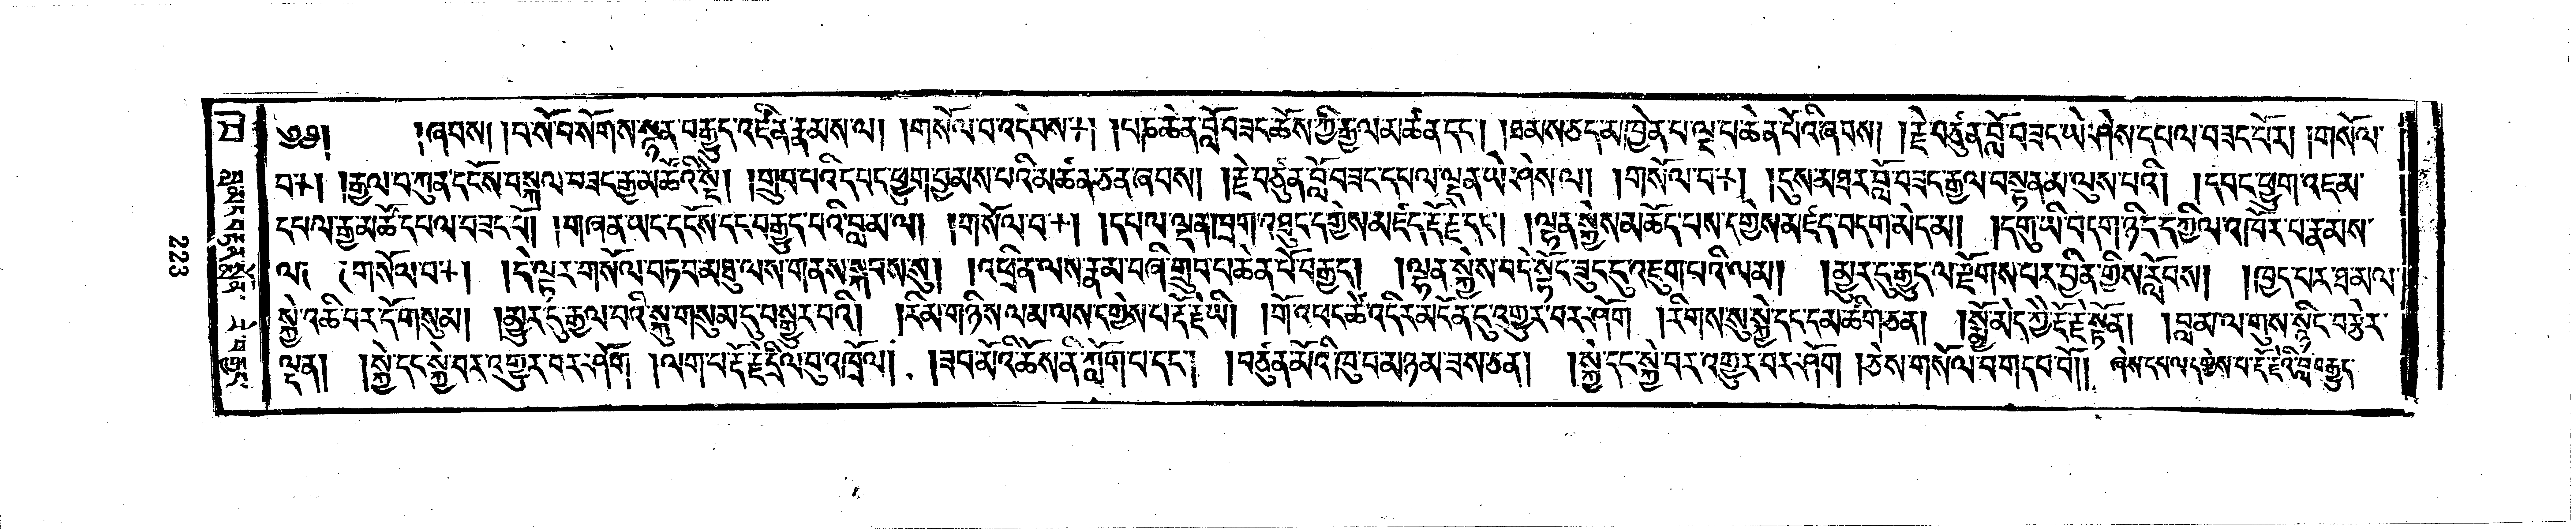༄༅། །ཞབས། །བ་སོ་བ་སོགས་སྙན་བརྒྱུད་འཛིན་རྣམས་ལ། །གསོལ་བ་འདེབས་+། །པཎ་ཆེན་བློ་བཟང་ཆོས་ཀྱི་རྒྱལ་མཚན་དང་། །ཐམས་ཅད་མཁྱེན་པ་ལྔ་པ་ཆེན་པོའི་ཞབས། །རྗེ་བཙུན་བློ་བཟང་ཡེ་ཤེས་དཔལ་བཟང་པོར། །གསོལ་
བ་+། །རྒྱལ་བ་ཀུན་དངོས་བསྐལ་བཟང་རྒྱ་མཚོའི་སྡེ། །གྲུབ་པའི་དབང་ཕྱུག་བྱམས་པའི་མཚན་ཅན་ཞབས། །རྗེ་བཙུན་བློ་བཟང་དཔལ་ལྡན་ཡེ་ཤེས་ལ། །གསོལ་བ་+། །དུས་མཐར་བློ་བཟང་རྒྱལ་བསྟན་མ་ལུས་པའི། །དབང་ཕྱུག་འཇམ་
དཔལ་རྒྱ་མཚོ་དཔལ་བཟང་པོ། །གཞན་ཡང་དངོས་དང་བརྒྱུད་པའི་བླ་མ་ལ། །གསོལ་བ་+། །དཔལ་ལྡན་ཁྲག་འཐུང་དགྱེས་མཛད་རྡོ་རྗེ་དང་། །ལྷན་སྐྱེས་མཆོད་པས་དགྱེས་མཛད་བདག་མེད་མ། །དགུ་ཡི་བདག་ཉིད་དཀྱིལ་འཁོར་པ་རྣམས་
ལ༑ ༑གསོལ་བ་+། །དེ་ལྟར་གསོལ་བཏབ་མཐུ་ལས་གནས་སྐབས་སུ། །འཕྲིན་ལས་རྣམ་བཞི་གྲུབ་པ་ཆེན་པོ་བརྒྱད། །ལྷན་སྐྱེས་བདེ་སྟོང་ཟུང་དུ་འཇུག་པའི་ལམ། །མྱུར་དུ་རྒྱུད་ལ་རྫོགས་པར་བྱིན་གྱིས་རློབས། །ཁྱད་པར་ཐ་མལ་
སྐྱེ་འཆི་བར་དོ་གསུམ། །མྱུར་དུ་རྒྱལ་བའི་སྐུ་གསུམ་དུ་བསྒྱུར་བའི། །རིམ་གཉིས་ལམ་ལས་དགྱེས་པ་རྡོ་རྗེ་ཡི། །གོ་འཕང་ཚེ་འདིར་མངོན་དུ་འགྱུར་བར་ཤོག །རིགས་སུ་སྐྱེ་དང་དམ་ཚིག་ཅན། །སྨྱོ་མེད་ཀྱཻ་རྡོ་རྗེ་སྟོན། །བླ་མ་ལ་གུས་སྙིང་བརྩེར་
ལྡན། །སྐྱེ་དང་སྐྱེ་བར་འགྱུར་བར་ཤོག །ལག་པ་རྡོ་རྗེ་དྲིལ་བུ་འཁྲོལ། །ཟབ་མོའི་ཆོས་ནི་ཀློག་པ་དང་། །བཙུན་མོའི་ཁུ་བ་མཉམ་ཟས་ཅན། །སྐྱེ་དང་སྐྱེ་བར་འགྱུར་བར་ཤོག །ཅེས་གསོལ་བ་གདབ་བོ།། ཞེས་དཔལ་དགྱེས་པ་རྡོ་རྗེའི་བླ་བརྒྱུད་